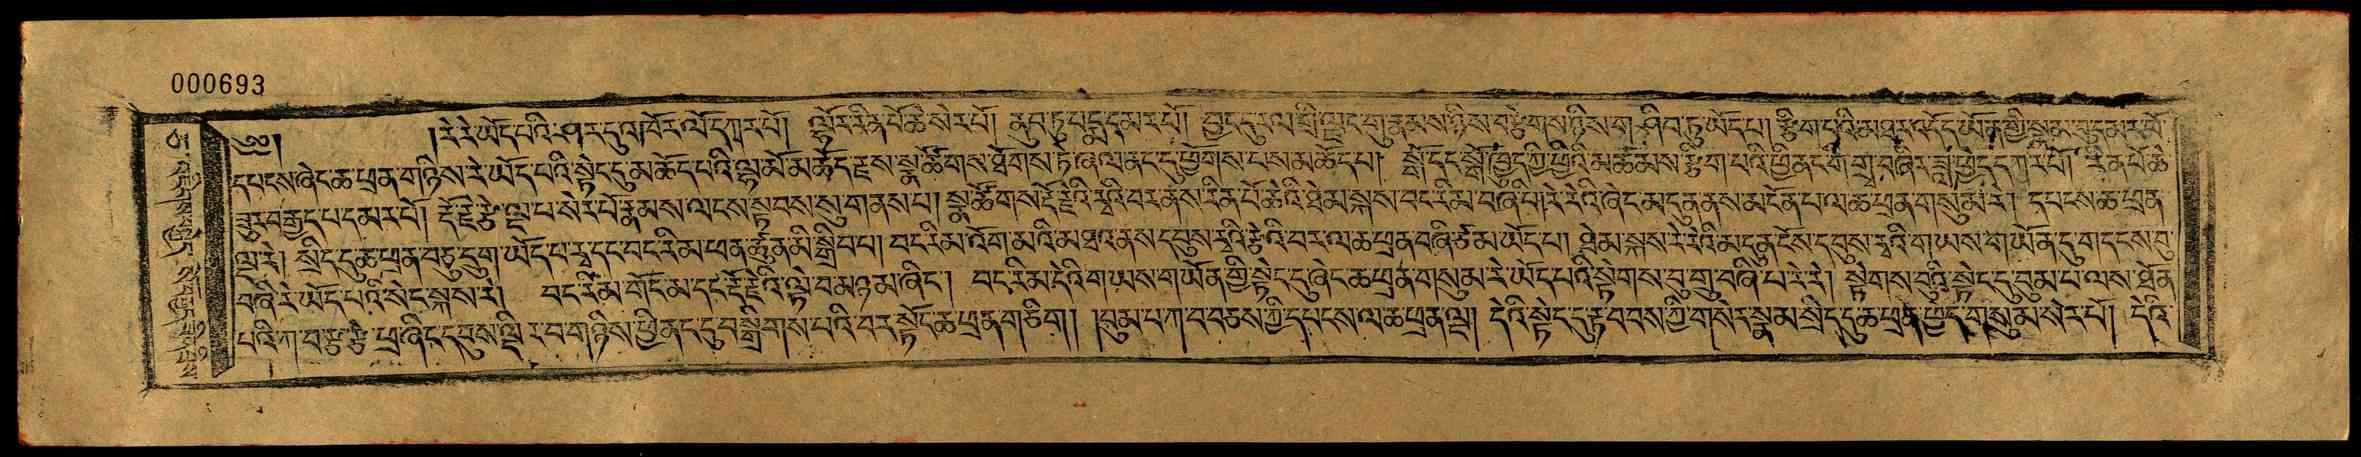༄༅། །རེ་རེ་ཡོད་པའི་ཤར་དུ་འཁོར་ལོ་དཀར་པོ། ལྷོར་རིན་པོ་ཆེ་སེར་པོ། ནུབ་ཏུ་པདམ་དམར་པོ། བྱང་དུ་རལ་གྲི་ལྗང་གུ་རྣམས་ཉིས་བརྩེགས་ཉིས་གཤིབ་ཏུ་ཡོད་པ། རྩིག་པའི་མཐར་འདོད་ཡོན་གྱི་སྣམ་བུ་དམར་པོ་
དཔངས་ཞེང་ཆ་ཕྲན་གཉིས་རེ་ཡོད་པའི་སྟེང་དུ་མཆོད་པའི་ལྷ་མོ་མཆོད་རྫས་སྣ་ཚོགས་ཐོགས་ཏེ་ཞལ་ནང་དུ་ཕྱོགས་པས་མཆོད་པ། སྒོ་དང་སྒོ་ཁྱུད་ཀྱི་ཕྱིའི་མཚམས་རྩིག་པའི་ཕྱི་ནང་གི་གྲྭ་བཞིར་ཟླ་ཕྱེད་དཀར་པོ། རིན་པོ་ཆེ་
ཟུར་བརྒྱད་པ་དམར་པོ། རྡོ་རྗེ་རྩེ་ལྔ་པ་སེར་པོ་རྣམས་ལངས་སྟབས་སུ་གནས་པ། སྣ་ཚོགས་རྡོ་རྗེའི་རྭའི་བར་ནས་རིན་པོ་ཆེའི་ཐེམ་སྐས་བང་རིམ་བཞི་པ། རེ་རེའི་ཞེང་མདུན་ནས་མངོན་པ་ལ་ཆ་ཕྲན་གསུམ་རེ། དཔངས་ཆ་ཕྲན་
ལྔ་རེ། སྲིད་དུ་ཆ་ཕྲན་བཅུ་དྲུག་ཡོད་པ་རྭ་དང་བང་རིམ་ཕན་ཚུན་མི་སྒྲིབ་པ། བང་རིམ་འོག་མའི་མཐའ་ནས་དབུས་རྭའི་རྩེའི་བར་ལ་ཆ་ཕྲན་བཞི་ཙམ་ཡོད་པ། ཐེམ་སྐས་རེ་རེའི་མདུན་ངོས་དབུས་རྭའི་གཡས་གཡོན་དུ་གདངས་བུ་
བཞི་རེ་ཡོད་པའི་སེང་སྐས་རེ། བང་རིམ་གོང་མ་དང་རྡོ་རྗེའི་ལྟེ་བ་མཉམ་ཞིང་། བང་རིམ་དེའི་གཡས་གཡོན་གྱི་སྟེང་དུ་ཞེང་ཆ་ཕྲན་གསུམ་རེ་ཡོད་པའི་སྟེགས་བུ་གྲུ་བཞི་པ་རེ་རེ། སྟེགས་བུའི་སྟེང་དུ་བུམ་པ་ལས་ཐོན་
བའི་ཀ་བ་རྩ་རྩེ་ཕྲ་ཞིང་དབུས་ལྡིར་བ་གཉིས་ཕྱི་ནང་དུ་བསྒྲིགས་པའི་བར་སྟོང་ཆ་ཕྲན་གཅིག །བུམ་པ་ཀ་བ་བཅས་ཀྱི་དཔངས་ལ་ཆ་ཕྲན་ལྔ། དེའི་སྟེང་དུ་རྟ་བབས་ཀྱི་གསེར་སྣམ་སྲིད་དུ་ཆ་ཕྲན་ཕྱེད་གསུམ་སེར་པོ། དེའི་